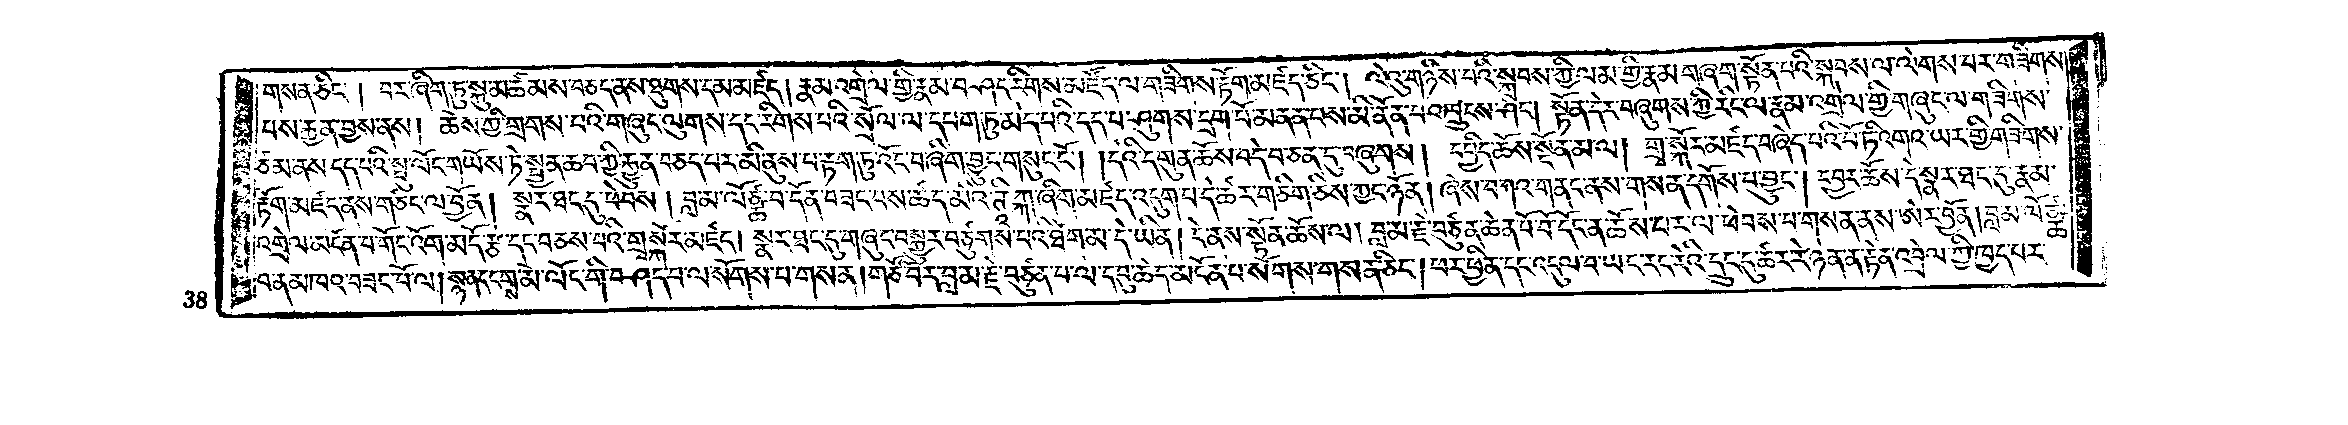གསན་ཅིང་། བར་ཞིག་ཏུ་སྐུ་མཚམས་བཅད་ནས་ཐུགས་དམ་མཛད། རྣམ་འགྲེལ་གྱི་རྣམ་བཤད་རིགས་མཛོད་ལ་གཟིགས་རྟོག་མཛད་ཅིང་། ལེའུ་གཉིས་པའི་སྐབས་ཀྱི་ལམ་གྱི་རྣམ་གཞག་སྟོན་པའི་སྐབས་ལ་ལེགས་པར་གཟིགས་
པས་རྐྱན་བྱས་ནས། ཆོས་ཀྱི་གྲགས་པའི་གཞུང་ལུགས་དང་རིགས་པའི་སྲོལ་ལ་དཔག་ཏུ་མེད་པའི་དད་པ་ཤུགས་དྲག་པོ་མནན་པས་མི་ནོན་པ་འཁྲུངས་ཤིང་། སྟོན་དེར་བཞུགས་ཀྱི་རིང་ལ་རྣམ་འགྲེལ་གྱི་གཞུང་ལ་གཟིགས་
ཙམ་ནས་དད་པའི་སྤུ་ལོང་གཡོས་ཏེ་སྤྱན་ཆབ་ཀྱི་རྐྱུན་བཅད་པར་མི་ནུས་པ་རྟག་ཏུ་འོང་བ་ཞིག་བྱུང་གསུང་ངོ། །དེའི་དགུན་ཆོས་བདེ་བ་ཅན་དུ་བཞུགས། དཔྱིད་ཆོས་སྔོན་མ་ལ། གྲྭ་སྐོར་མཛད་བཞེད་པའི་པོ་ཏི་འགའ་ཡར་གྱི་གཟིགས་
རྟོག་མཛད་ནས་གཙང་ལ་བྱོན། སྣར་ཐང་དུ་ཕེབས། བླ་མ་ལོཙྪ་བ་དོན་བཟང་པས་ཚད་མའི་ཊཱིཀྐ་ཞིག་མཛད་འདུག་པ་དེ་ཚར་གཅིག་ཅིས་ཀྱང་ཉོན། ཞེས་བཀའ་གནང་ནས་གསན་དགོས་པ་བྱུང་། དབྱར་ཆོས་དེ་སྣར་ཐང་དུ་རྣམ་
འགྲེལ་མངོན་པ་གོང་འོག་མདོ་རྩ་དང་བཅས་པའི་གྲྭ་སྐོར་མཛད། སྣར་ཐང་དུ་གཞུང་བསྐྱུར་བཙུགས་པའི་ཐོག་མ་དེ་ཡིན། དེ་ནས་སྟོན་ཆོས་ལ། བླ་མ་རྗེ་བཙུན་ཆེན་པོ་བོ་དོང་ན་ཆོས་པར་ལ་ཕེབས་པ་གསན་ནས་ཨེར་བྱོན། བླ་མ་ལོཙྪ་
བ་ན་མཁའ་བཟང་པོ་ལ། སྙན་དངགས་མེ་ལོང་གི་བཤད་པ་ལ་སོགས་པ་གསན། གཙོ་བོར་བླ་མ་རྗེ་བཙུན་པ་ལ་དབུ་ཆེད་མངོན་པ་སོགས་གསན་ཅིང་། ཕར་ཕྱིན་དང་འདུལ་བ་ཡང་རང་རེའི་དྲུང་དུ་ཚར་རེ་ཉན་ན་རྟེན་འབྲེལ་གྱི་ཁྱད་པར་